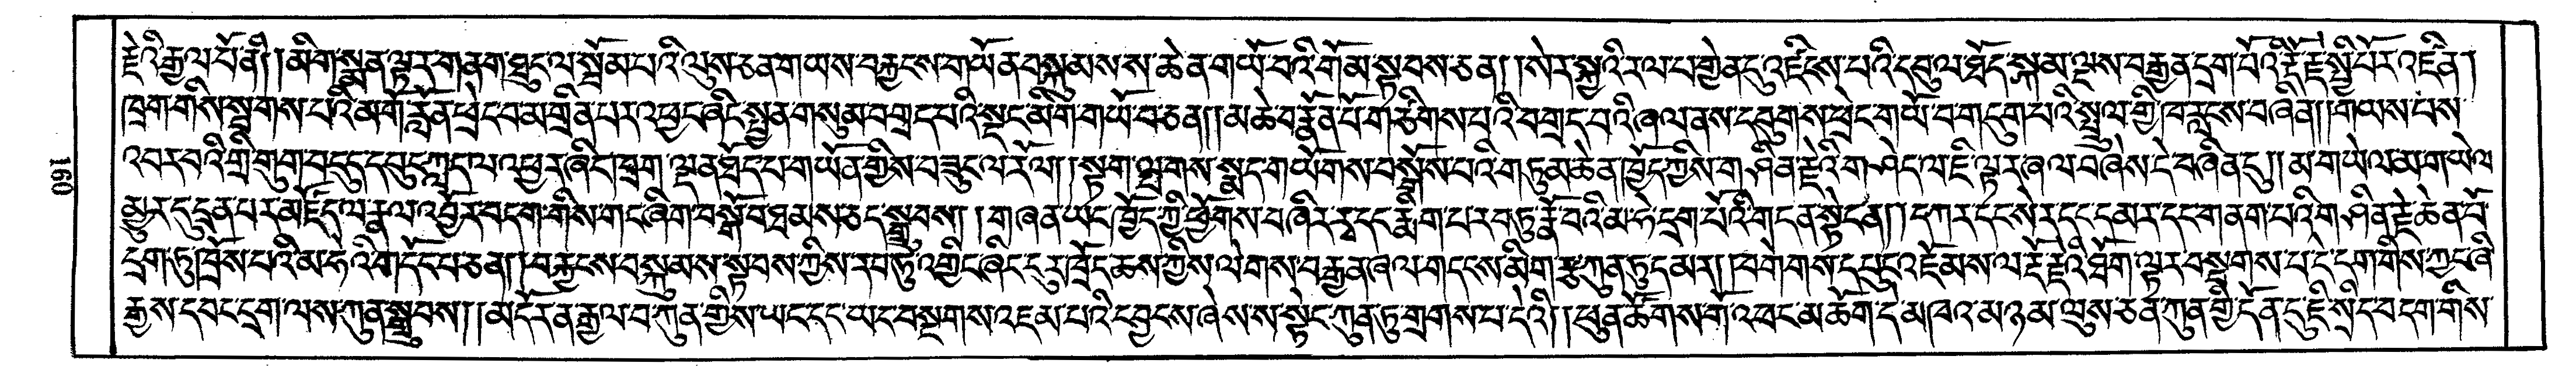རྗེའི་རྒྱལ་པོ་ནི། །མིག་སྨན་ལྟར་གནག་ཐུང་ལ་སྦོམ་པའི་ལུས་ཅན་གཡས་བརྐྱངས་གཡོན་བསྐུམས་ས་ཆེན་གཡོ་བའི་གོམ་སྟབས་ཅན། །སེར་སྐྱའི་རལ་པ་གྱེན་དུ་འཛིངས་པའི་དབུ་ལ་ཐོད་སྐམ་ལྔས་བརྒྱན་དྲག་པོའི་རྡོ་རྗེ་སྤྱི་བོར་འཛིན།།
ཁྲག་གིས་སྦགས་པའི་མགོ་རློན་ཕྲེང་བ་མགྲིན་པར་འཕྱང་ཞིང་སྤྱན་གསུམ་བགྲད་པའི་སྡང་མིག་གཡོ་བ་ཅན། །མཆེ་བ་རྣོན་པོ་གཙིགས་པའི་བགྲད་པའི་ཞལ་ནས་དབུགས་ཕྲེང་གཡོ་བ་གདུག་པའི་སྦྲུལ་གྱི་ཁ་རླངས་བཞིན། །གཡས་པས་
འབར་བའི་གྲི་གུག་བདུད་དཔུང་ཀླད་ལ་འཕྱར་ཞིང་ཁྲག་ལྡན་ཐོད་པ་གཡོན་གྱིས་བཟུང་ལ་རོལ། །སྟག་ལྤགས་སྨད་གཡོགས་བསྒོས་པའི་གཏུམ་ཆེན་ཁྱོད་ཀྱིས་གཤིན་རྗེའི་གཤེད་ལ་ཇི་ལྟར་ཞལ་བཞེས་དེ་བཞིན་དུ། །མ་གཡེལ་མ་གཡེལ་
མྱུར་དུ་དྲན་པར་མཛོད་ལ་རྣལ་འབྱོར་བདག་གིས་གང་ཞིག་བསྒོ་བ་ཐམས་ཅད་སྒྲུབས། །གཞན་ཡང་ཁྱོད་ཀྱི་ཕྱོགས་བཞིར་རྭ་དང་རྨིག་པ་རབ་ཏུ་རྣོ་བའི་མ་ཧེ་དྲག་པོའི་གདན་སྟེང་ན། །དཀར་དང་སེར་དང་དམར་དང་ག་ནག་པའི་གཤིན་རྗེ་ཆེན་པོ་
དྲག་ཏུ་ཁྲོས་པའི་མ་ཧེའི་གདོང་པ་ཅན། །བརྐྱངས་བསྐུམས་སྟབས་ཀྱིས་རབ་ཏུ་འགྱིང་ཞིང་དུར་ཁྲོད་ཆས་ཀྱིས་ལེགས་བརྒྱན་ཞལ་གདངས་མིག་རྩ་ཀུན་ཏུ་དམར། །བགེགས་དཔུང་འཇོམས་ལ་རྡོ་རྗེའི་ཐོག་ལྟར་བསྔགས་པ་དེ་དག་གིས་ཀྱང་ཞི་
རྒྱས་དབང་དྲག་ལས་ཀུན་སྒྲུབས། །མདོར་ན་རྒྱལ་བ་ཀུན་གྱིས་ཡང་དང་ཡང་བསྔགས་འཇམ་པའི་དབྱངས་ཞེས་ས་སྟེང་ཀུན་ཏུ་གྲགས་པ་དེའི། །ཕུན་ཚོགས་གོ་འཕང་མཆོག་དེ་མཁའ་མཉམ་ལུས་ཅན་ཀུན་གྱི་དོན་དུ་ཇི་སྲིད་བདག་གིས་